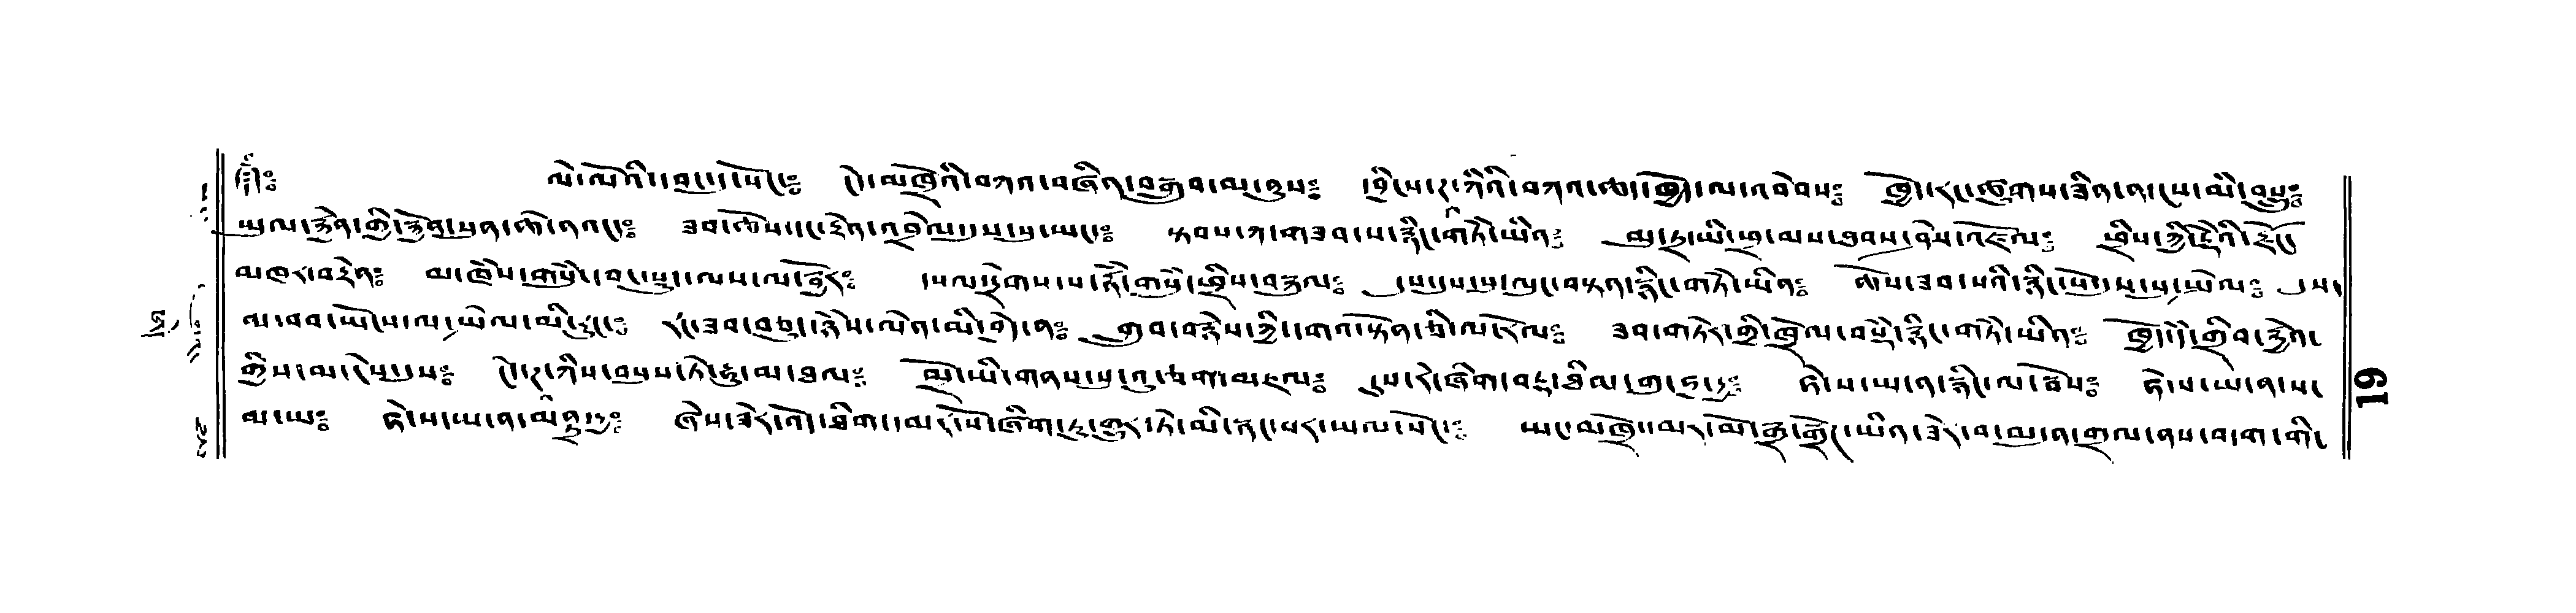ལེ་ལོའི་དབང་དུ་སོང༔ ངེད་མཁའ་འགྲོའི་བཀའ་བཞིན་བསྒྲུབ་མ་ནུས༔ དབྱིངས་ཌཱ་ཀིའི་བཀའ་ཆད་ཁྱོད་ལ་འབེབས༔ ཁྱོད་རང་ཚུགས་ཟིན་ན་ངས་མི་བསླུ༔ 
ཡུལ་རྐྱེན་གྱི་སྐྱོན་སུན་ཆེ་ནའང༔ ཟབ་ཆོས་དང་རྟེན་འབྲེལ་དུས་སུ་ཡང༔ སྟབས་ཀ་གཟབ་པ་སྙིང་གཏམ་ཡིན༔ མུ་ཏྲ་ཡི་ཕྲ་མས་ཐབས་ཤེས་འཛོལ༔ ཕྲིན་ལས་ཀྱི་རྡོ་རྗེའི་རྫོང་
མཁར་བརྟེན༔ མ་ཁམས་གསུམ་དབང་སྡུད་ལས་ལ་སྦྱོར༔ དཔལ་དྲེགས་པ་རྣམ་གསུམ་ཕྲིན་ལས་བསྐུལ༔ དུས་དུས་སུ་ལུང་བསྟན་སྙིང་གཏམ་ཡིན༔ ཆོས་ཟབ་པའི་སྙིང་པོ་དུས་སུ་སྤེལ༔ དུས་
མ་བབ་ཡོངས་ལ་སྤེལ་མི་རུང༔ རང་ཟབ་བཅུད་ཉམས་ལེན་མི་བྱེད་ན༔གྲུབ་བརྙེས་ཀྱི་དགའ་སྟོན་ཅི་ལ་རོལ༔ ཟབ་གཏེར་གྱི་ཁྲོལ་བསྡམ་སྙིང་གཏམ་ཡིན༔ ཁྱེད་དམ་གྲིབ་རྐྱེན་
གྱིས་མ་ངེས་དུས༔ ངེད་ཌཱ་ཀིས་བསུས་ཏེ་དྷུ་མ་ཐལ༔ མཁའ་འགྲོ་ཡི་གནས་སུ་འུ་ཅག་མཇལ༔ དུས་རེ་ཞིག་བརྡ་ཐིམ་གུ་ཧྱ་རྒྱ༔ ཧེ་ས་ཡ་ན་སྙིང་ལ་སྦོས༔ ཧེ་ས་ཡ་ན་ས་མ་ཡ༔ ཧེ་ས་ཡ་ན་
མནྟྲ་རྒྱ༔ ཞེས་ཟེར་འོད་ཐིག་དམར་པོ་ཞིག་ཏུ་གྱུར་ཏེ་མི་སྣང་བར་ཡལ་སོང༔ ཡང་མཁའ་འགྲོ་དམར་མོ་སྒྲ་སྒྲོག་ཡིན་ཟེར་བ་མདུན་གྲལ་ནས་བདག་གི་